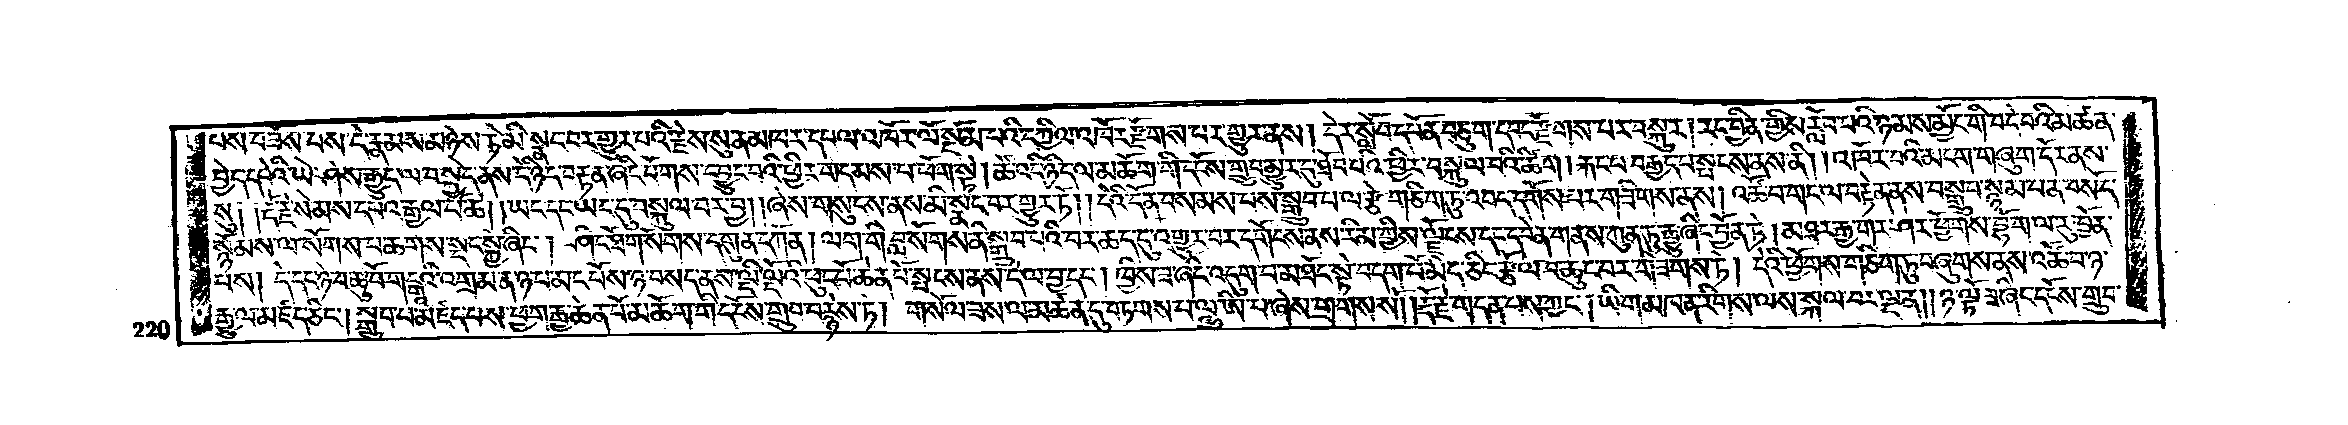པས་བཟོས་པས་དེ་རྣམས་མཉེས་ཏེ་མི་སྣང་བར་གྱུར་པའི་རྗེས་སུ་ནམ་མཁར་དཔལ་འཁོར་ལོ་སྡོམ་པའི་དཀྱིལ་འཁོར་རྫོགས་པར་གྱུར་ནས། དེར་སློབ་དཔོན་བཅུག་དབང་རྫོགས་པར་བསྐུར། རང་བྱིན་གྱིས་རློབ་པའི་ཉམས་མྱོང་གི་བདེ་བའི་མཚོན་
བྱེད་དཔེའི་ཡེ་ཤེས་རྒྱུད་ལ་བསྐྱེད་ནས་དེ་ཉིད་བརྟན་ཞིང་བོགས་དབྱུང་བའི་གདམས་པ་ཕོག་སྟེ། ཚེ་འདི་ཉིད་ལ་མཆོག་གི་དངོས་གྲུབ་མྱུར་དུ་ཐོབ་པའི་ཕྱིར་བསྐུལ་བའི་ཚེག། རྐང་པ་བརྒྱད་པ་སྤངས་ནས་ནི། །འཁོར་བའི་མངག་གཞུག་དོར་ནས་
སུ༑ ༑རྡོ་རྗེ་སེམས་དཔའ་རྒྱལ་པོ་ཆེ། །ཡང་དང་ཡང་དུ་བསྐུལ་བར་བྱ། །ཞེས་གསུངས་ནས་མི་སྣང་བར་གྱུར་ཏོ། །དེའི་དོན་བསམས་པས་སྒྲུབ་པ་ལ་རྩེ་གཅིག་ཏུ་འབད་དགོས་པར་གཟིགས་ནས། འཚོ་བ་གང་ལ་བརྟེན་ནས་བསྒྲུབ་སྙམ་པ་ན་བསོད་
སྙོམས་ལ་སོགས་པ་ཆགས་སྡང་སྐྱེ་ཞིང་། ཤིང་ཐོག་སོགས་དགུན་དཀོན། ལག་གི་བླ་སོགས་ནི་སྒྲུབ་པའི་བར་ཆད་དུ་འགྱུར་བར་དགོངས་ནས་རིམ་གྱིས་ལྡོངས་དང་དབེན་གནས་ཀུན་ཏུ་རྒྱུ་ཞིང་བྱོན་ཏེ། མཐར་རྒྱ་གར་ཤར་ཕྱོགས་བྷཾ་ག་ལ་རུ་བྱོན་
པས། དེ་དང་ཉེ་བ་ཆུ་བོ་གངྒཱའི་འགྲམ་ན་ཉ་པ་མང་པོས་ཉ་བསད་ནས་ལྡི་ལྡོའི་ཕུང་པོ་ཆེན་པོ་སྤངས་ནས་དེ་ལ་བྱ་དང་། ཁྱིས་ཟ་ཞིང་འདུག་པ་མཐོང་སྟེ་བདག་པོ་མེད་ཅིང་རྩོལ་བ་ཆུང་བར་གཟིགས་ཏེ། དེའི་ཕྱོགས་གཅིག་ཏུ་བཞུགས་ནས་འཚོ་བ་ཉ་
རྒྱུ་ལ་མཛད་ཅིང་། སྒྲུབ་པ་མཛད་པས་ཕྱག་རྒྱ་ཆེན་པོ་མཆོག་གི་དངོས་གྲུབ་བརྙེས་ཏེ། གསོལ་ཟས་ལ་མཚན་དུ་བཏགས་པ་ལཱུ་ཨི་པ་ཞེས་གྲགས་སོ། །རྡོ་རྗེ་གདན་པས་ཀྱང་། ཡིག་མཁན་རིགས་ལས་སྐལ་བར་ལྡན། །ཉ་ལྟོ་ཟ་ཞིང་དངོས་གྲུབ་